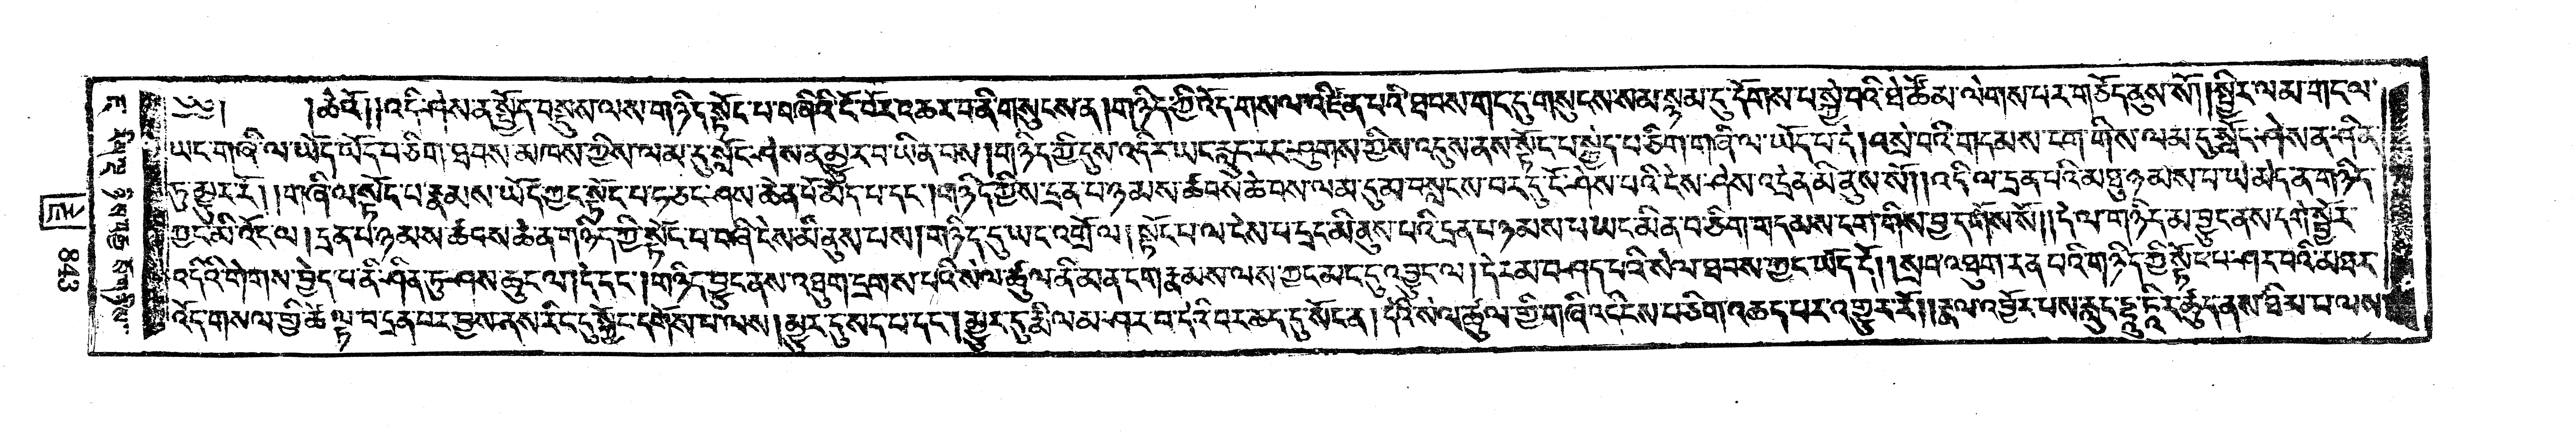༄༅། །ཆེའོ། །འདི་ཤེས་ན་སྤྱོད་བསྡུས་ལས་གཉིད་སྟོང་པ་བཞིའི་ངོ་བོར་འཆར་བ་ནི་གསུངས་ན། གཉིད་ཀྱི་འོད་གསལ་འཛིན་པའི་ཐབས་གང་དུ་གསུངས་སམ་སྙམ་དུ་དོགས་པ་སྐྱེ་བའི་ཐེ་ཚོམ་ལེགས་པར་གཅོད་ནུས་སོ། །སྤྱིར་ལམ་གང་ལ་
ཡང་གཞི་ལ་ཡོད་ཡོད་པ་ཅིག་ཐབས་མཁས་ཀྱིས་ལམ་དུ་སློང་ཤེས་ན་མྱུར་བ་ཡིན་པས། གཉིད་ཀྱི་དུས་འདིར་ཡང་རླུང་རང་ཤུགས་ཀྱིས་འདུས་ནས་སྟོང་པ་སྐྱེད་པ་ཅིག་གཞི་ལ་ཡོད་པ་དེ། བསྲེ་བའི་གདམས་ངག་གིས་ལམ་དུ་སློང་ཤེས་ན་ཤིན་
ཏུ་མྱུར་རོ། །གཞི་ལ་སྟོང་པ་རྣམས་ཡོད་ཀྱང་སྟོང་པ་ཧ་ཅང་ཤས་ཆེན་པོ་མེད་པ་དང་། གཉིད་ཀྱིས་དྲན་པ་ཉམས་ཚབས་ཆེ་བས་ལམ་དུ་མ་བསླངས་བར་དུ་ངོ་ཤེས་པའི་ངེས་ཤེས་འདྲེན་མི་ནུས་སོ། །འདི་ལ་དྲན་པའི་མཐུ་ཉམས་པ་ཡེ་མེད་ན་གཉིད་
ཀྱང་མི་འོང་ལ། དྲན་པ་ཉམས་ཚབས་ཆེ་ན་གཉིད་ཀྱི་སྟོང་པ་བཞི་ངེས་མི་ནུས་པས། གཉིད་དུ་ཡང་འགྲོ་ལ། སྟོང་པ་ལ་ངེས་པ་དྲང་མི་ནུས་པའི་དྲན་པ་ཉམས་པ་ཡང་མིན་པ་ཅིག་གདམས་ངག་གིས་བྱ་དགོས་སོ། །དེ་ལ་གཉིད་མ་བྱུང་ནས་དགེ་སྦྱོར་
འདིའི་གེགས་བྱེད་པ་ནི་ཤིན་ཏུ་ཤས་ཆུང་ལ། དེ་དང་། གཉིད་བྱུང་ནས་འཐུག་དྲགས་པའི་སེལ་ཚུལ་ནི་མན་ངག་རྣམས་ལས་ཀྱང་མང་དུ་འབྱུང་ལ། དར་མ་བཤད་པའི་སེལ་ཐབས་ཀྱང་ཡོད་དོ། །སྲབ་འཐུག་རན་པའི་གཉིད་ཀྱི་སྟོང་པ་ཤར་བའི་མཐར་
འོད་གསལ་གྱི་ཚེ་ལྟ་བ་དྲན་པར་བྱས་ནས་རིང་དུ་སྐྱོང་དགོས་པ་ལས། མྱུར་དུ་སད་པ་དང་། མྱུར་དུ་རྨི་ལམ་ཤར་བ་དེའི་བར་ཆད་དུ་སོང་ན། དེའི་སེལ་ཚུལ་གྱི་གཞི་འདིངས་པ་ཅིག་འཆད་པར་འགྱུར་རོ། །རྣལ་འབྱོར་པས་རླུང་དྷཱུ་ཏཱིར་ཚུད་ནས་ཐིམ་པ་ལས་